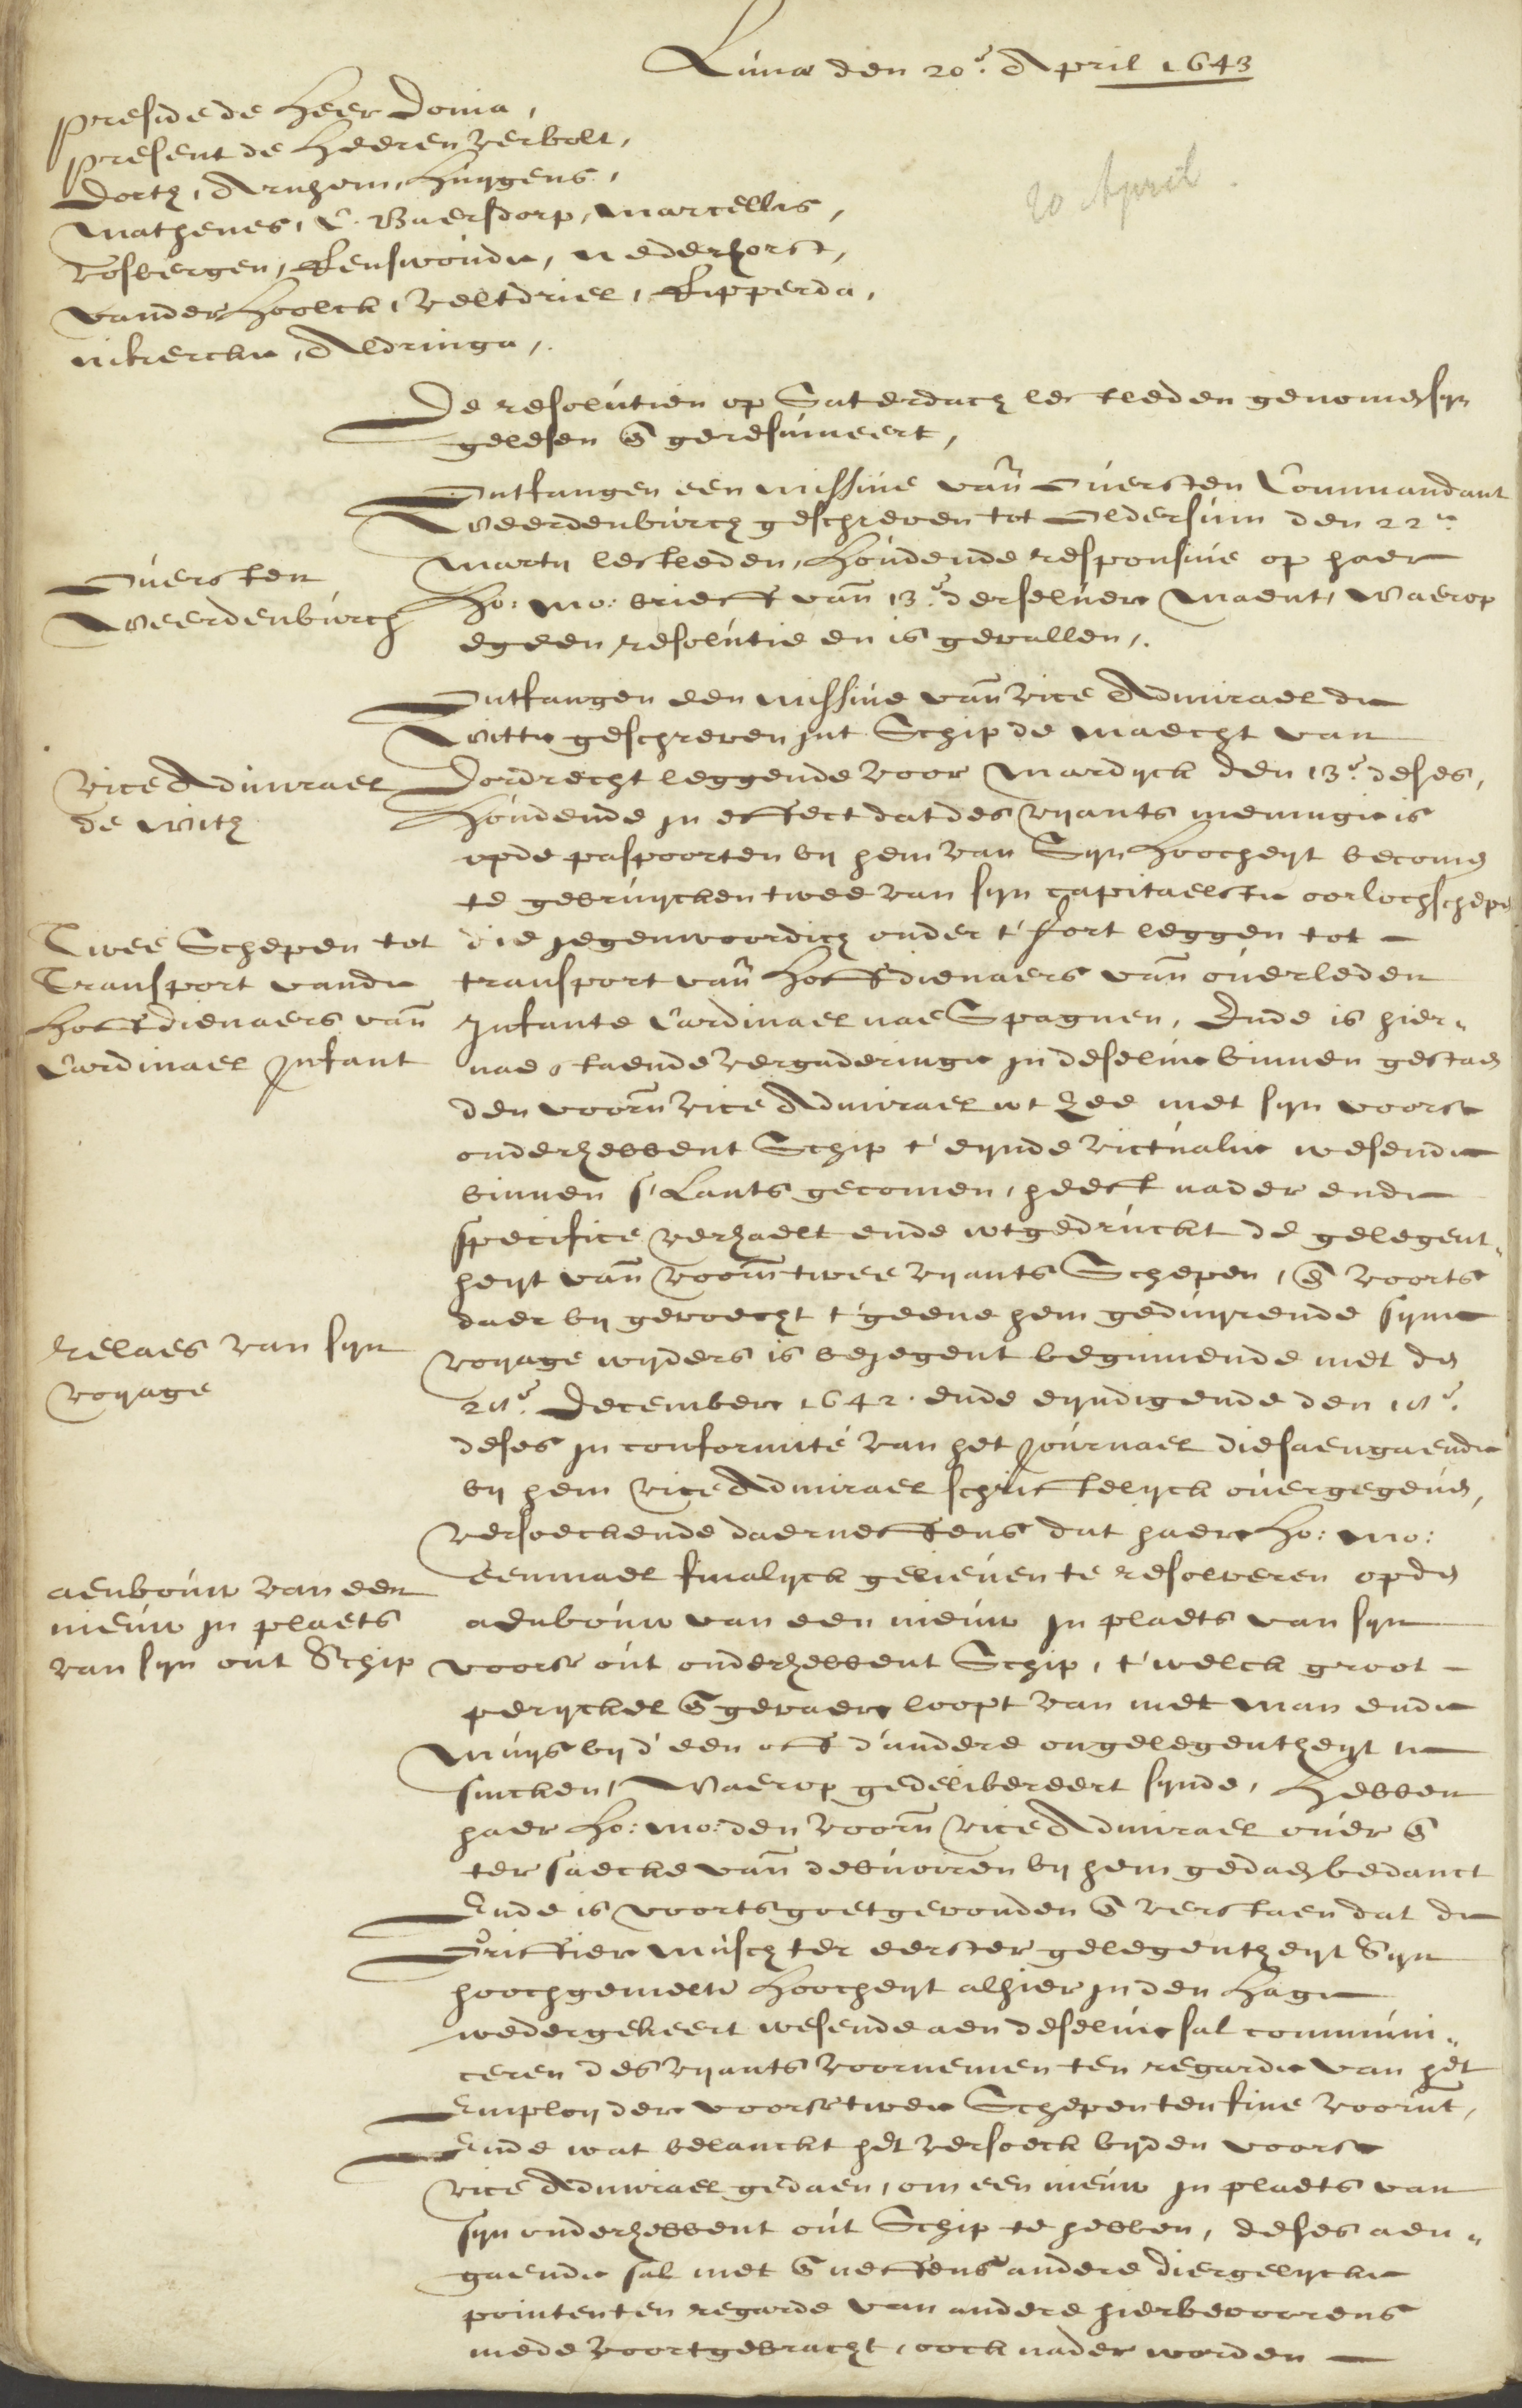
Luna den 20e April 1643
20 April.
Preside de Heer Donia,
Present de Heeren Verbolt,
Dorth, Arnhem, Huygens,
Matheues, vn Baersdorp, Marcellis,
Vosbergen, Renswoude, Nederhorst,
vander Hoolck, Veltdriel, Ripperda,
Nikercke, Aldringa.
De resolutien op Saterdach lestleden genomen syn
gelesen en geresumeert,
Oversten
Weerdenburch
Ontfangen een missive van Oversten Commandant
Weerdenburch geschreven tot Oldersum den 22e
marty lestleden, houdende responsive op haer
Ho:mo: brieff van 13e derselver maent, Waerop
egeen resolutie en is gevallen.
Vice Admirael
de With
Twee Schepen tot
Transport vanden
Hoffdienaers van
Cardinael Infant
relaes van syn
voyage
aenbouw van een
nieuw in plaets
van syn out Schip
Ontfangen een missive van vice Admirael de
Witte geschreven int Schip de Maecht van
Dordrecht leggende voor Mardyck den 13e deses,
Houdende in effect dat des vyants meninge is
opde paspoorten by hem van Syn Hoocheyt becomen
te gebruycken twee van syn capitaelste oorlochschepen
die jegenwoordich onder t‛Fort leggen tot —
transport van Hoffdienaers van overleden
Infante Cardinael nae Spagnen. Ende is hier„
nae staende vergaderinge in deselve binnen gestaen
den voorn vice Admirael uut Zee met syn voorsz
onderhebbent Schip t‛eynde victualie wesende
binnen s‛Lants gecomen, heeft nader ende
specifice verhaelt ende uutgedruckt de gelegent„
heyt van voorn twee vyants Schepen, en voorts
daer by gevoecht t‛geene hem geduyrende syne
voyage wyders is bejegent beginnende met den
24e December 1642. ende eyndigende den 18e
deses in conformité van het journael diesaengaende
by hem vice Admirael schriftelyck overgegeven,
versoeckende daerneffens dat haer Ho:mo:
eenmael finalyck gelieven te resolveren opden
aenbouw van een nieuw in plaets van syn
voorsz out onderhebbent Schip, t‛welck groot —
peryckel en gevaer loopt van met man ende
muys by d‛een oft d‛andere ongelegentheyt te
sincken. Waerop gedelibereert synde, hebben
haer Ho:mo: den voorn vice Admirael over en
ter saecke van debvoiren by hem gedaen bedanct
Ende is voorts goetgevonden en verstaen dat de
Griffier Musch ter eerster gelegenheyt Syn
hoochgemelte Hoocheyt alhier in den Hage
wedergekeert wesende aen deselve sal communi„
ceren des vyants voornemen ten regarde van het
Employ der voorsz twee Schepen ten fine voornt
Ende wat belanckt het versoeck by den voorsz
vice Admirael gedaen, om een nieuw in plaets van
syn onderhebbent out Schip te hebben, deses aen„
gaende sal met en neffens andere diergelycke
pointen ten regarde van andere hierbevoorens
mede voortgebracht, oock nader worden —
